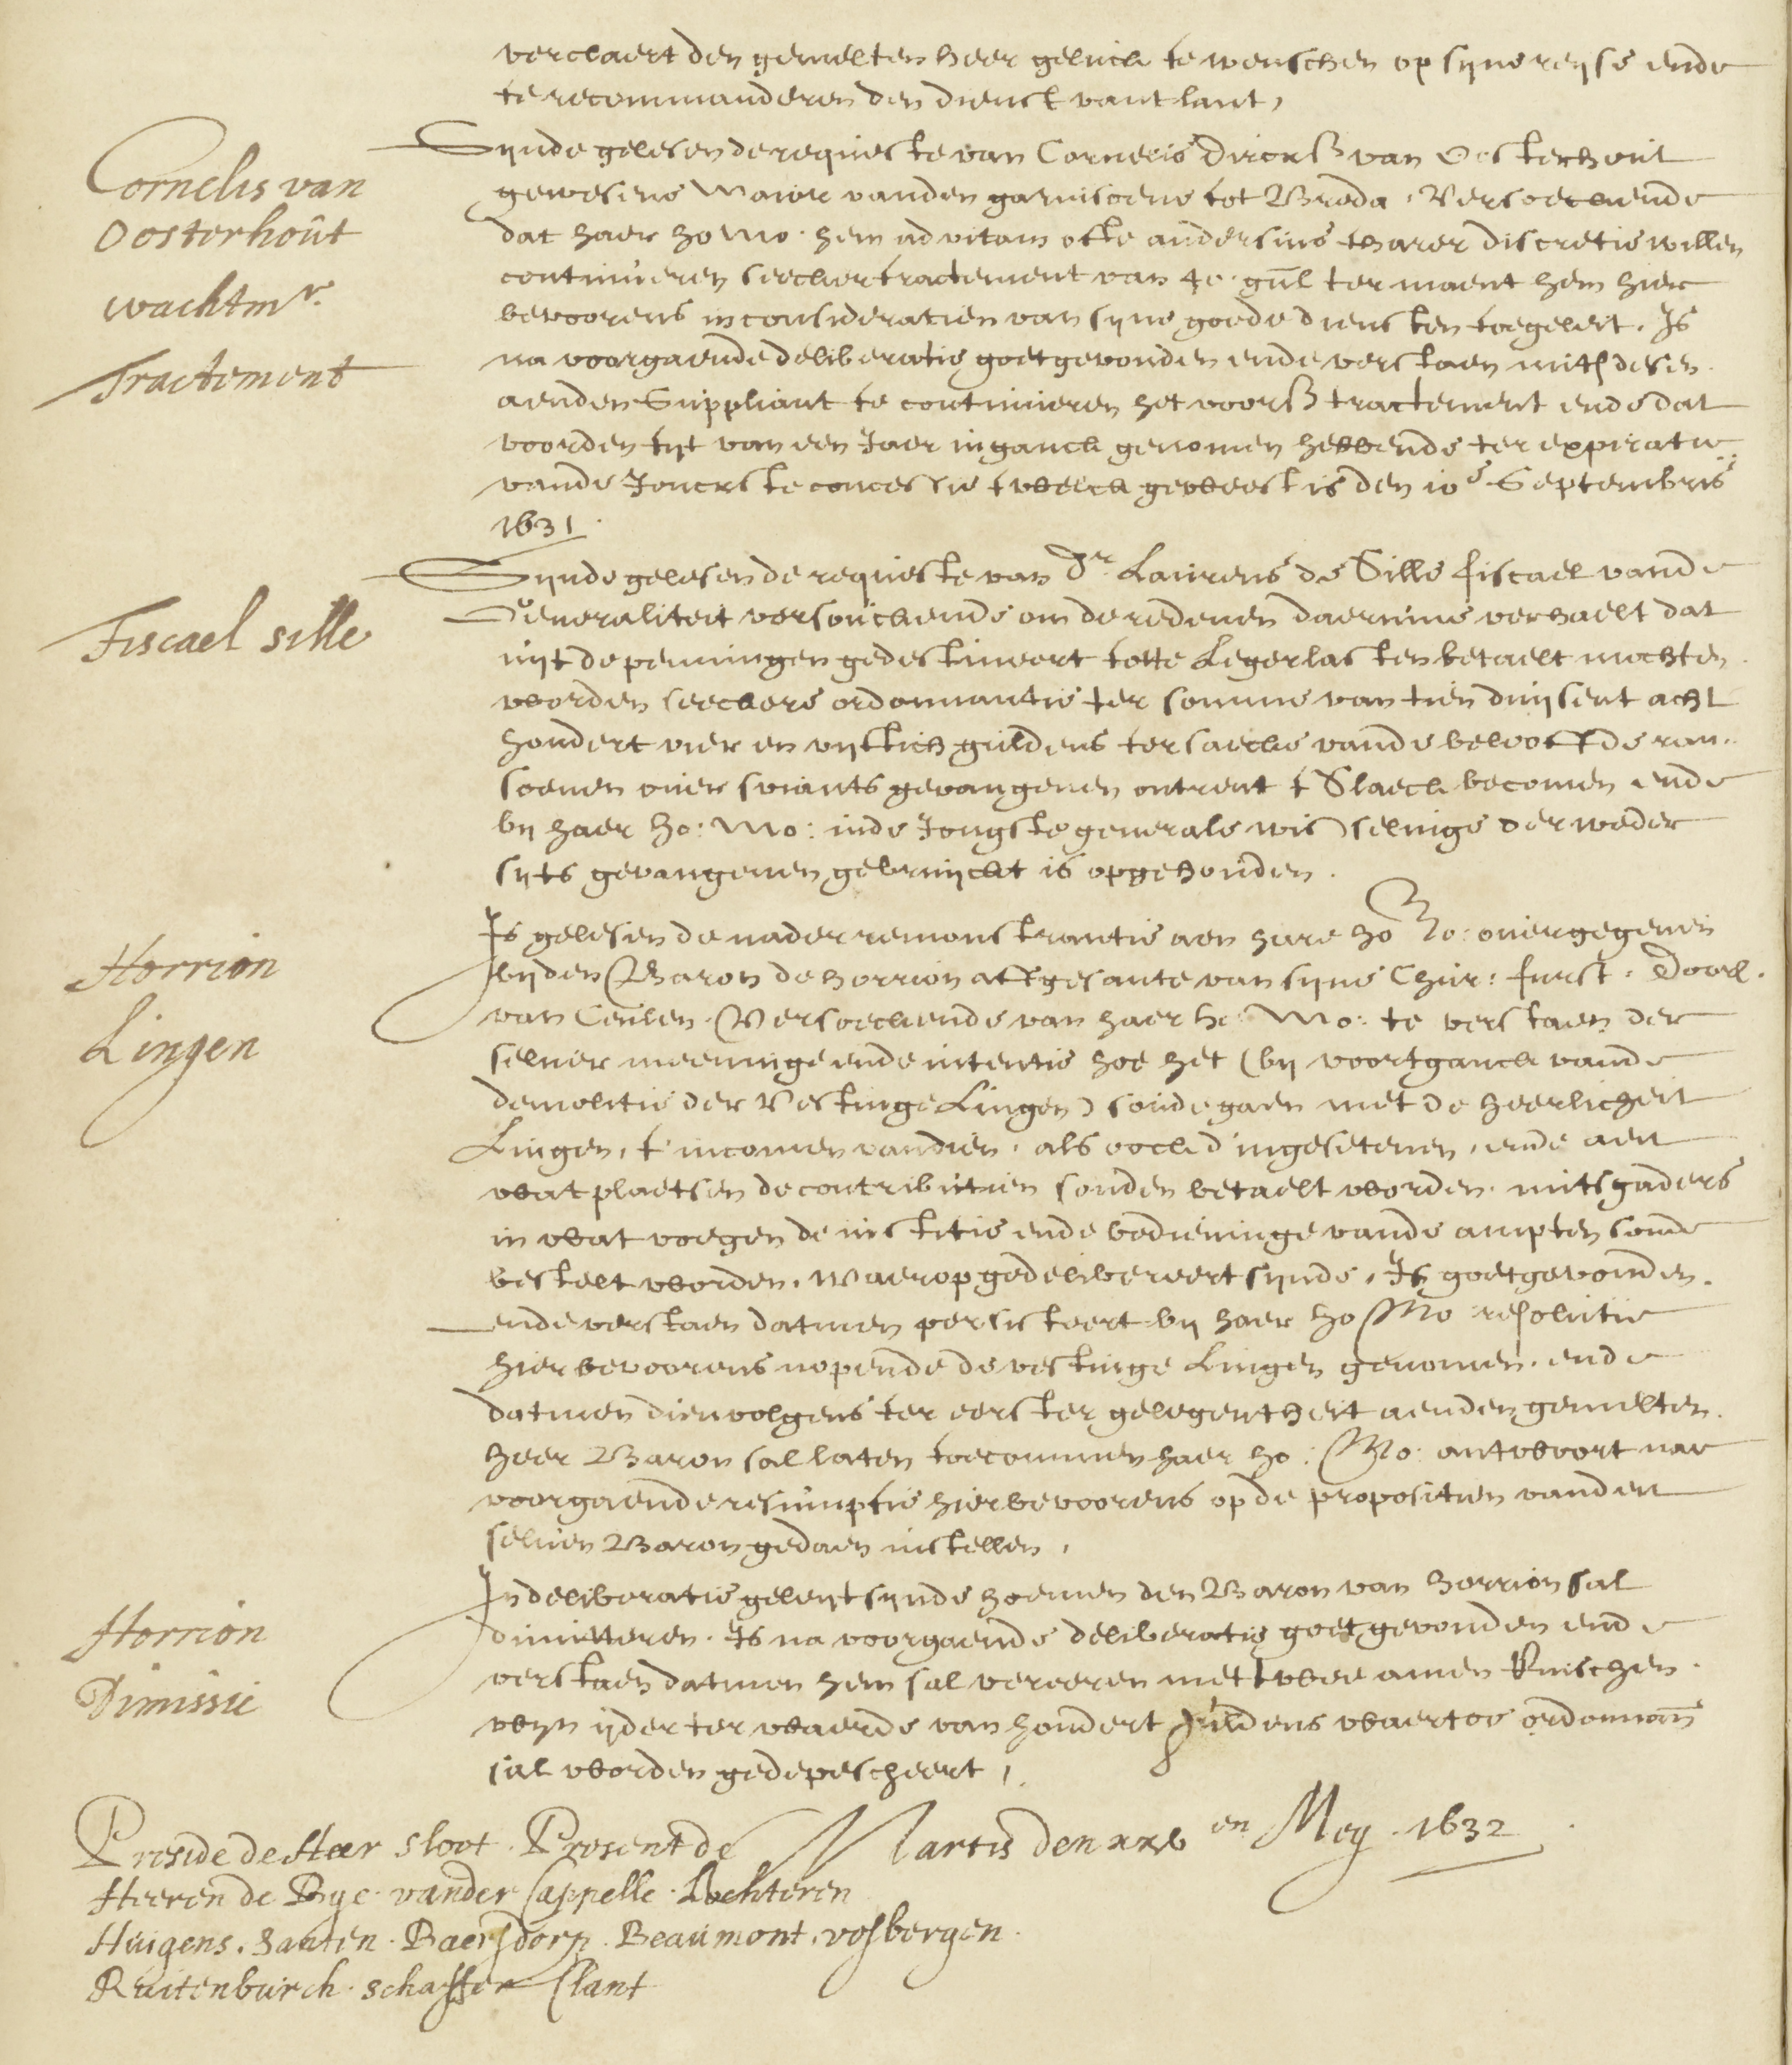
verclaert den gemelten heer geluck te wenschen op syne reyse ende
te recommanderen den dienst vant lant.
Cornelis van
Oosterhout
wachtmr.
Tractement
Synde gelesen de requeste van Cornelis Dircxs van Oosterhout
gewesene Maiore vanden garnisoene tot Breda, Versoeckende
dat haere ho Mo. hem ad vitam ofte andersins tharer discretie willen
continueren seecker tractement van 40. gul ter maent hem hier
bevoorens inconsideratien van syne goede diensten toegeleit. Is
na voorgaende deliberatie goetgevonden ende verstaen mitsdesen
aenden Suppliant te continueren het voors tractement ende dat
voor den tyt van een Jaer inganck genomen hebbende ter expiratie
vande Joncxste concessie twelck geweest is den 10en Septembris
1631.
Fiscael sille
Synde gelesen de requeste van Dr. Laurens de Sille fiscael vande
Generaliteit versouckende om de redenen daerinne verhaelt dat
uyt de penningen gedestineert totte Legerlasten betaelt mochten
worden seeckere ordonnantie ter somme van tien duysent acht
hondert vier en vyftich guldens ter saecke vande belooffde ran„
soenen ouer sviants gevangenen, ontrent t‛Slaeck becomen ende
by haer ho:Mo: inde Jongste generale wisselinge der weder
syts gevangenen gebruyckt is opgehouden.
Horrion
Lingen
Is gelesen de nader remonstrantie aen hare ho Mo: overgegeven
byden Baron de horrion affgesante van syne Chur:furst. Doorl.
van Ceulen, Versoeckende van haer ho:Mo: te verstaen der
seluer meeninge ende intentie hoe het (by voortganck vande
demolitie der Vestinge Lingen) soude gaen met de heerlicheit
Lingen, t‛incomen vandien, als oock d‛ingesetenen, ende aen
wat plaetsen de contributien souden betaelt worden, mitsgaders
in wat voegen de iustitie ende bedieninge vande ampten soude
bestelt worden. Waerop gedelibereert synde, Is goetgevonden,
ende verstaen datmen persisteert by haer hoMo resolutie
hier bevoorens nopende de vestinge Lingen genomen, ende
datmen dienvolgens ter eerster gelegentheit aen den gemelten
heere Baron sal laten toecommen haer ho:Mo: antwoort nae
voorgaende resumptie hierbevoorens op de propositien vanden
seluen Baron gedaen instellen.
Horrion
Dimissie
In deliberatie geleyt synde hoemen den Baron van horrion sal
dimitteren. Is na voorgaende deliberatie goetgevonden ende
verstaen datmen hem sal vereeren met twee amen Rinschen
wyn ijder ter waerde van hondert guldens waertoe ordonnan
sal worden gedepescheert.
Martis den xxven Mey 1632.
Preside de Heer Sloot. Present de
Heeren de Bye. vander Cappelle. Lochteren
Huigens. Santen. Baersdorp. Beaumont. Vosbergen.
Ruitenburch. Schaffer Clant
